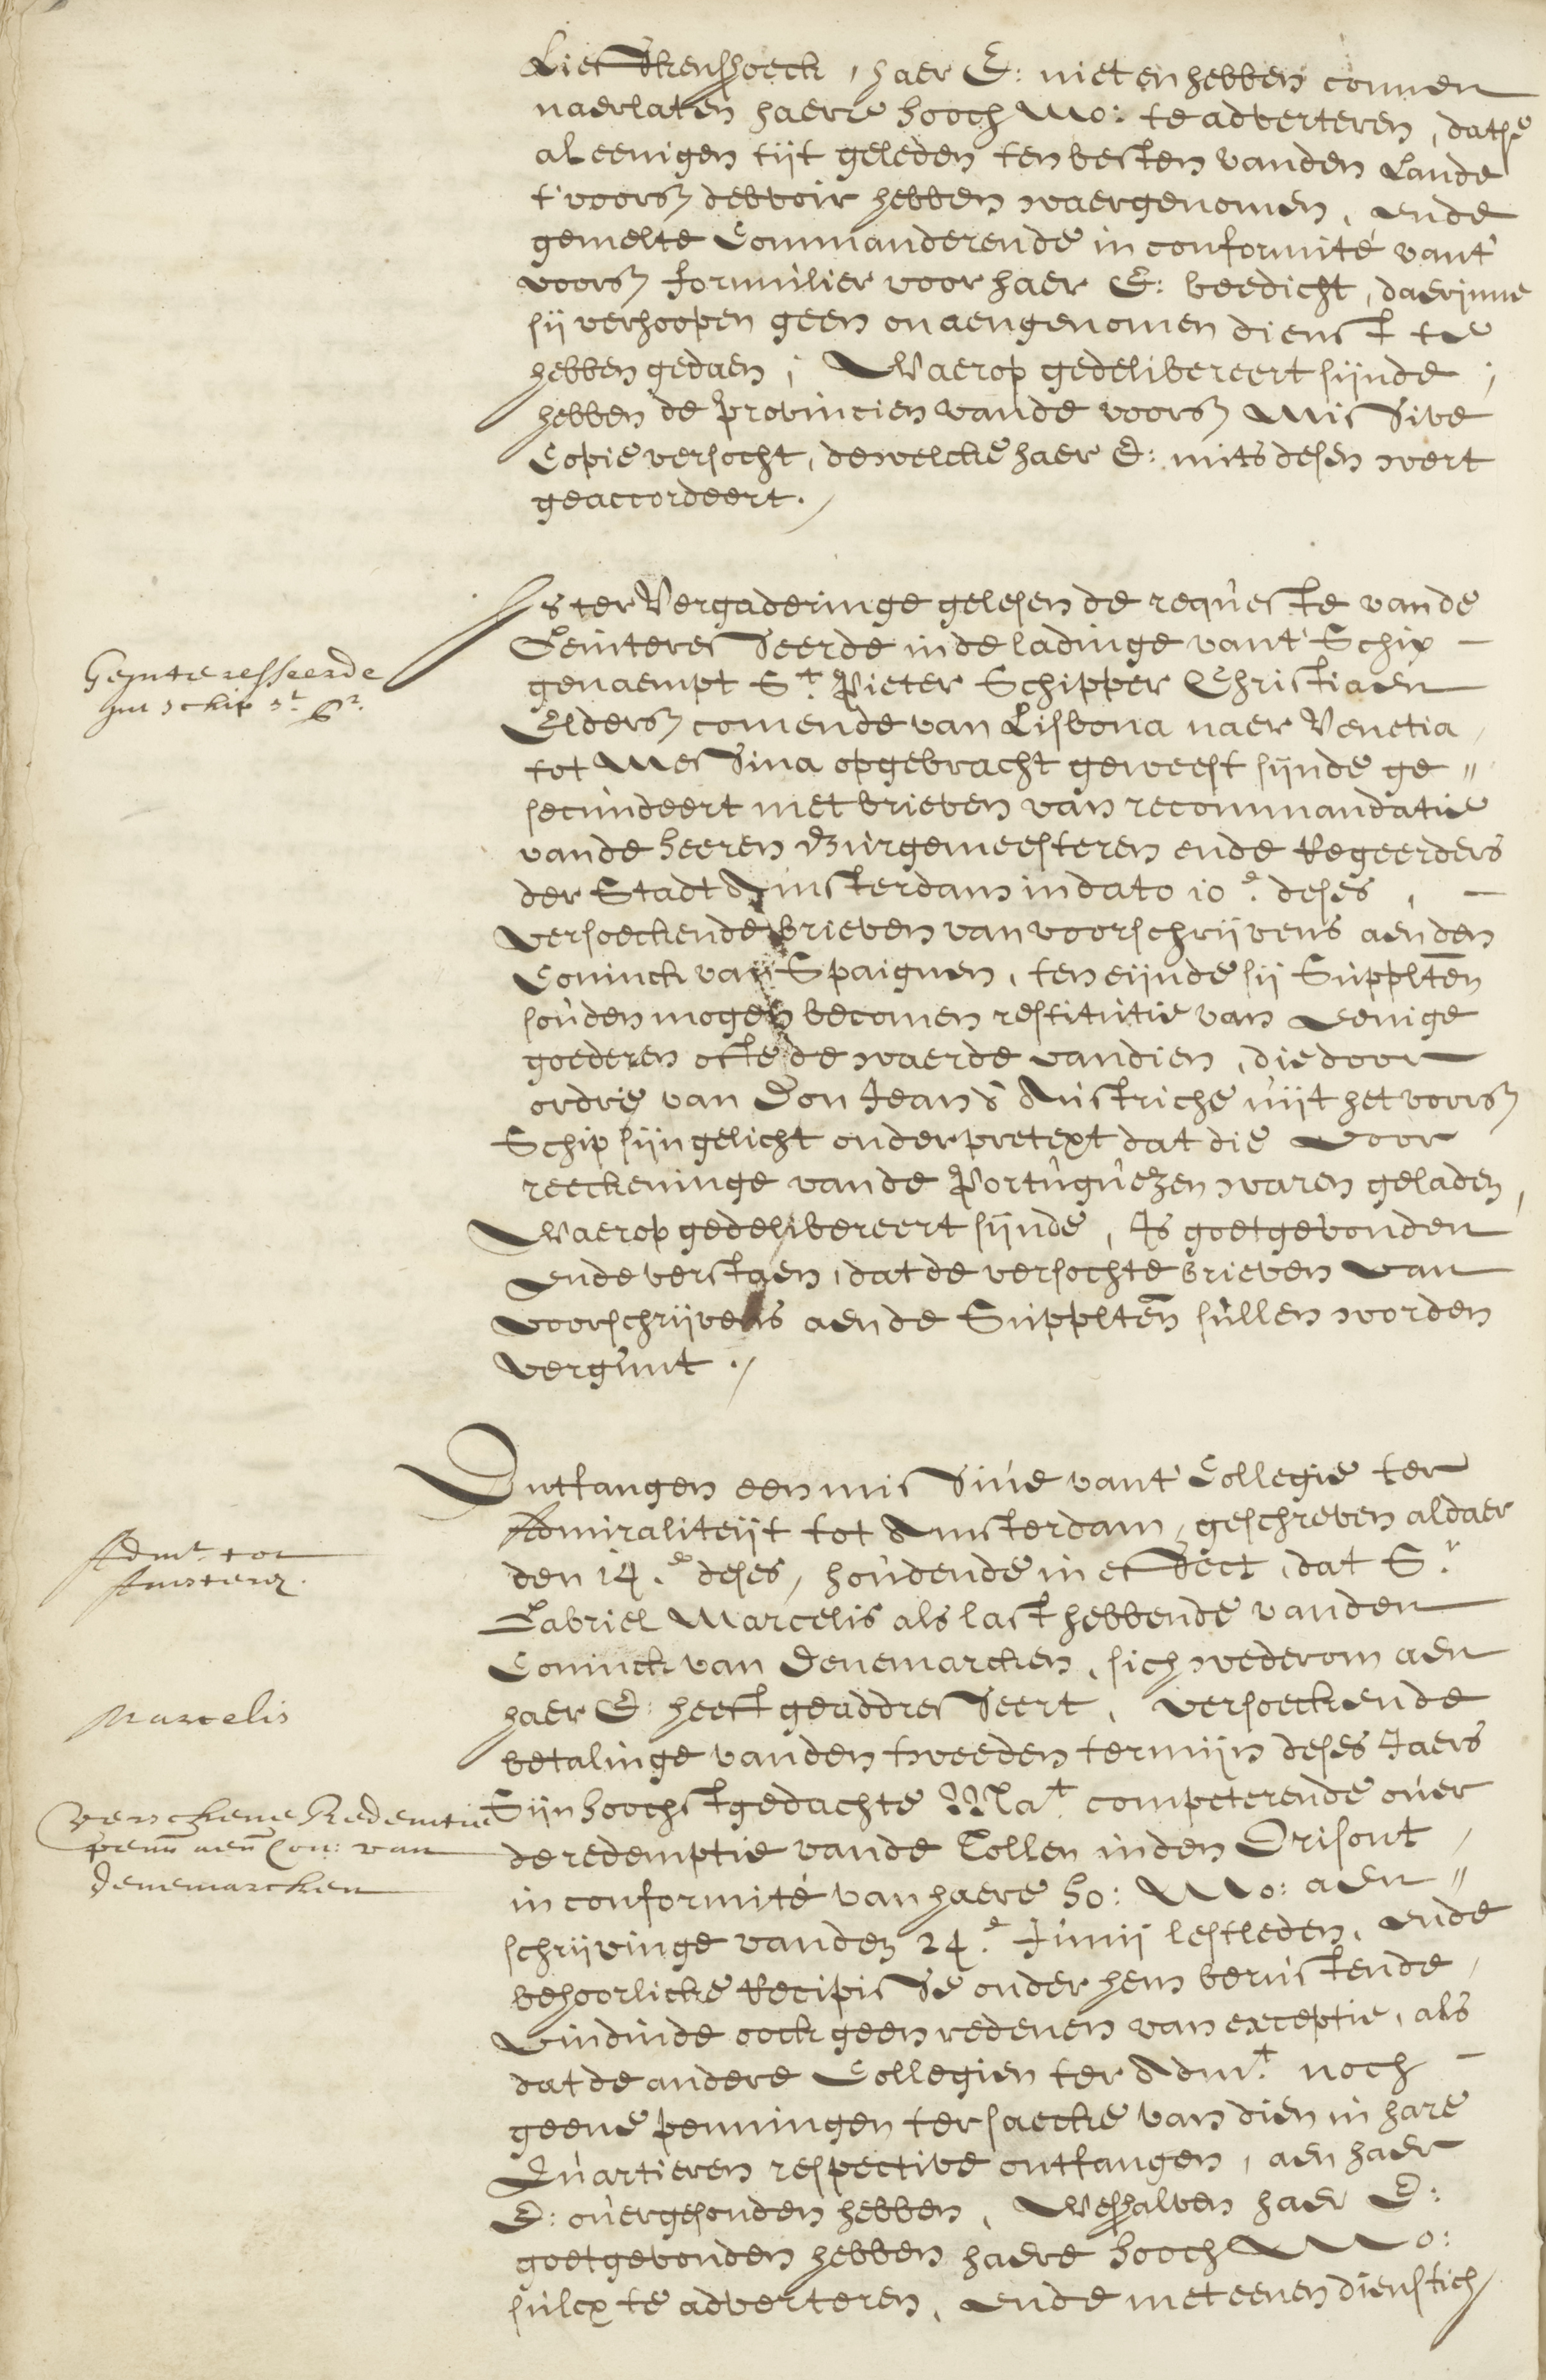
Lieffkenshoeck, haer E: niet en hebben connen
naerlaten haere hoochMo: te adverteren, datse
al eenigen tijt geleden ten besten vanden Lande
t' voors debvoir hebben waergenomen, ende
gemelte Commanderende in conformité vant'
voors formulier voor haer E: beedicht, daerinne
sij verhoopen geen onaengenomen dienst te
hebben gedaen; Waerop gedelibereert sijnde;
hebben de provincien vande voors Missive
Copie versocht, dewelcke haer E: mits desen wert
geaccordeert.
Geinteresseerde
het schip st. Pr.
Is ter Vergaderinge gelesen de requeste van de
Geinteresseerde in de ladinge vant' Schip
genaempt St. Pieter Schipper Christiaen
Eldersz comende van Lisbona naer Venetia
tot Messina opgebracht geweest sijnde ge„
secundeert met brieven van recommandatie
van de heeren Burgemeesteren ende Regeerders
der Stadt Amsterdam in dato 10e. deses,
versoeckende brieven van voorschrijvens aen den
Coninck van Spaignen, ten eijnde sij Supplten
souden mogen becomen restitutie van eenige
goederen ofte de waerde vandien, die door
ordre van Don Jean d‛ Austriche uijt het voors
Schip sijn gelicht onder pretext dat die voor
reeckeninge van de Portuguezen waren geladen.
Waerop gedelibereert sijnde, Is goetgevonden
ende verstaen, dat de versochte brieven van
voorschrijvens aende Supplten sullen worden
vergunt.
Admt. tot
Amsterd.
Marcelis
verschene Redemtie
penn aen Con: van
Denemarcken
Ontfangen een missiue vant' Collegie ter
Admiraliteijt tot Amsterdam, geschreven aldaer
den 14e. deses, houdende in effect, dat Sr.
Gabriel Marcelis als last hebbende vanden
Coninck van Denemarcken, sich wederom aen
haer E: heeft geaddresseert, versoeckende
betalinge vanden tweeden termijn deses Jaers
Sijn hoochstgedachte Mat. competerende ouer
de redemptie vande Tollen in den Orisont,
in conformité van haere ho:Mo: aen„
schrijvinge vanden 24e. Junij lestleden, ende
behoorlicke Recipisse onder hem berustende,
vindinde oock geen redenen van exceptie, als
dat de andere Collegien ter Admt. noch
geene penningen ter saecke van dien in hare
Quartieren respective ontfangen, aen haer
E: ouergesonden hebben, Weshalven haer E:
goetgevonden hebben haere hoochMo:
sulcx te adverteren, ende met eenen dienstich
